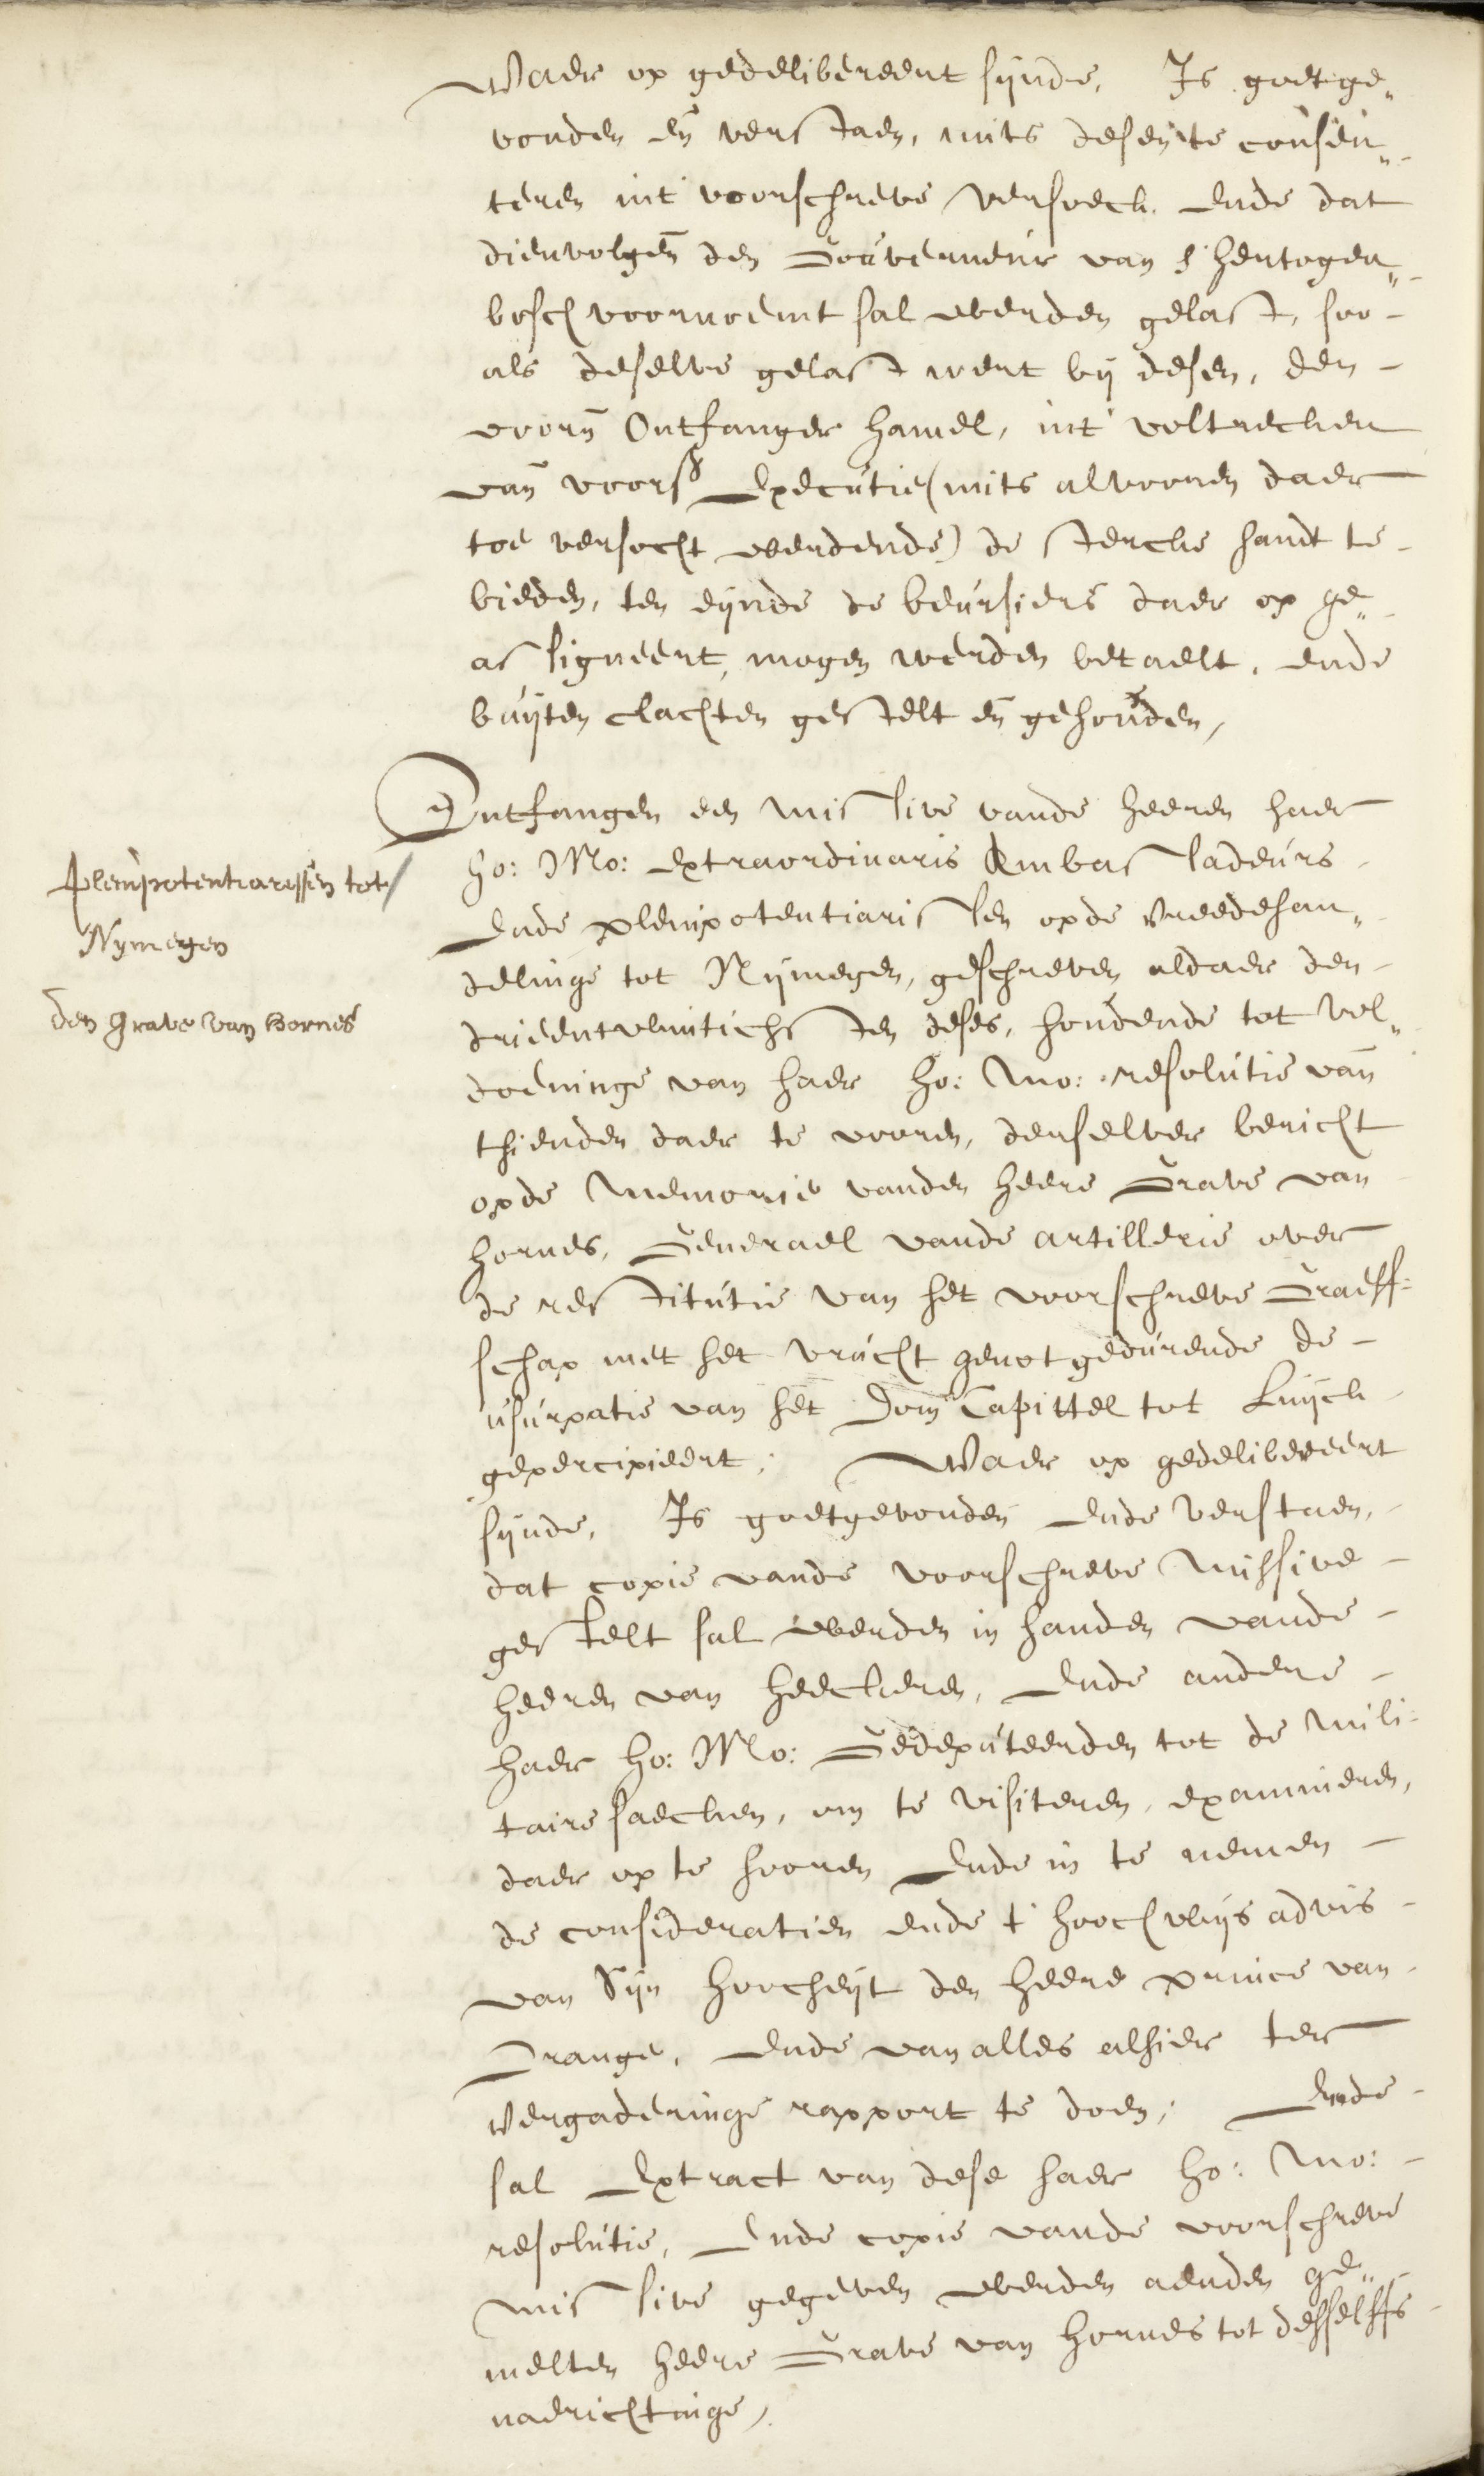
Waer op gedelibereert sijnde, Is goetge„
vonden en verstaen, mits desen te consen„
teren int' voorschreve versoeck ende dat
dienvolgen den Gouverneur van s'Hertogen„
bosch voornoemt sal werden gelast, soo
als deselve gelast wert bij desen, den -
voorn Ontfanger Hamel, int‛ voltrecken
van voors executie (mits alvooren daer
toe versocht werdende) de stercke handt te
bieden, ten eijnde de beursiers daer op ge„
assigneert, mogen werden betaelt, ende
buijten clachten gestelt en gehouden.
Plenipotentiarissen tot
Nijmegen
den Grave van Hornes
Ontfangen een missive vande heeren haer
ho:Mo: extraordinaris Ambassadeurs
ende plenipotentiarissen opde Vreedehan„
delinge tot Nijmegen, geschreven aldaer den
drieentwintichsten deses, houdende tot vol„
doeninge van haer ho:Mo: resolutie van
thienden daer te vooren, derselver bericht
opde memorie vanden heere Grave van
Hornes, Generael vande artillerie over
de restitutie van het voorschreve Graeff=
schap met het vrucht genot gedurende de -
usurpatie van het Dom Capittel tot Luijck
gepercipieert; Waer op gedelibereert
sijnde, Is goetgevonden ende verstaen,
dat copie vande voorschreve missive
gestelt sal werden in handen vande
heeren van heeckeren, ende andere
haer ho:Mo: Gedeputeerden tot de mili„
taire saecken, om te visiteren, examineren,
daer op te hooren Ende in te nemen
de consideratien ende t' hoochwijs advis
van Sijn hoocheijt den heere prince van
Orange, Ende van alles alhier ter
Vergaderinge rapport te doen; Ende
sal Extract van dese haer ho:Mo:
resolutie, Ende copie vande voorschreve
missive gegeven werden aenden ge„
melten heere Grave van Hornes tot desselffs
naerichtinge.
